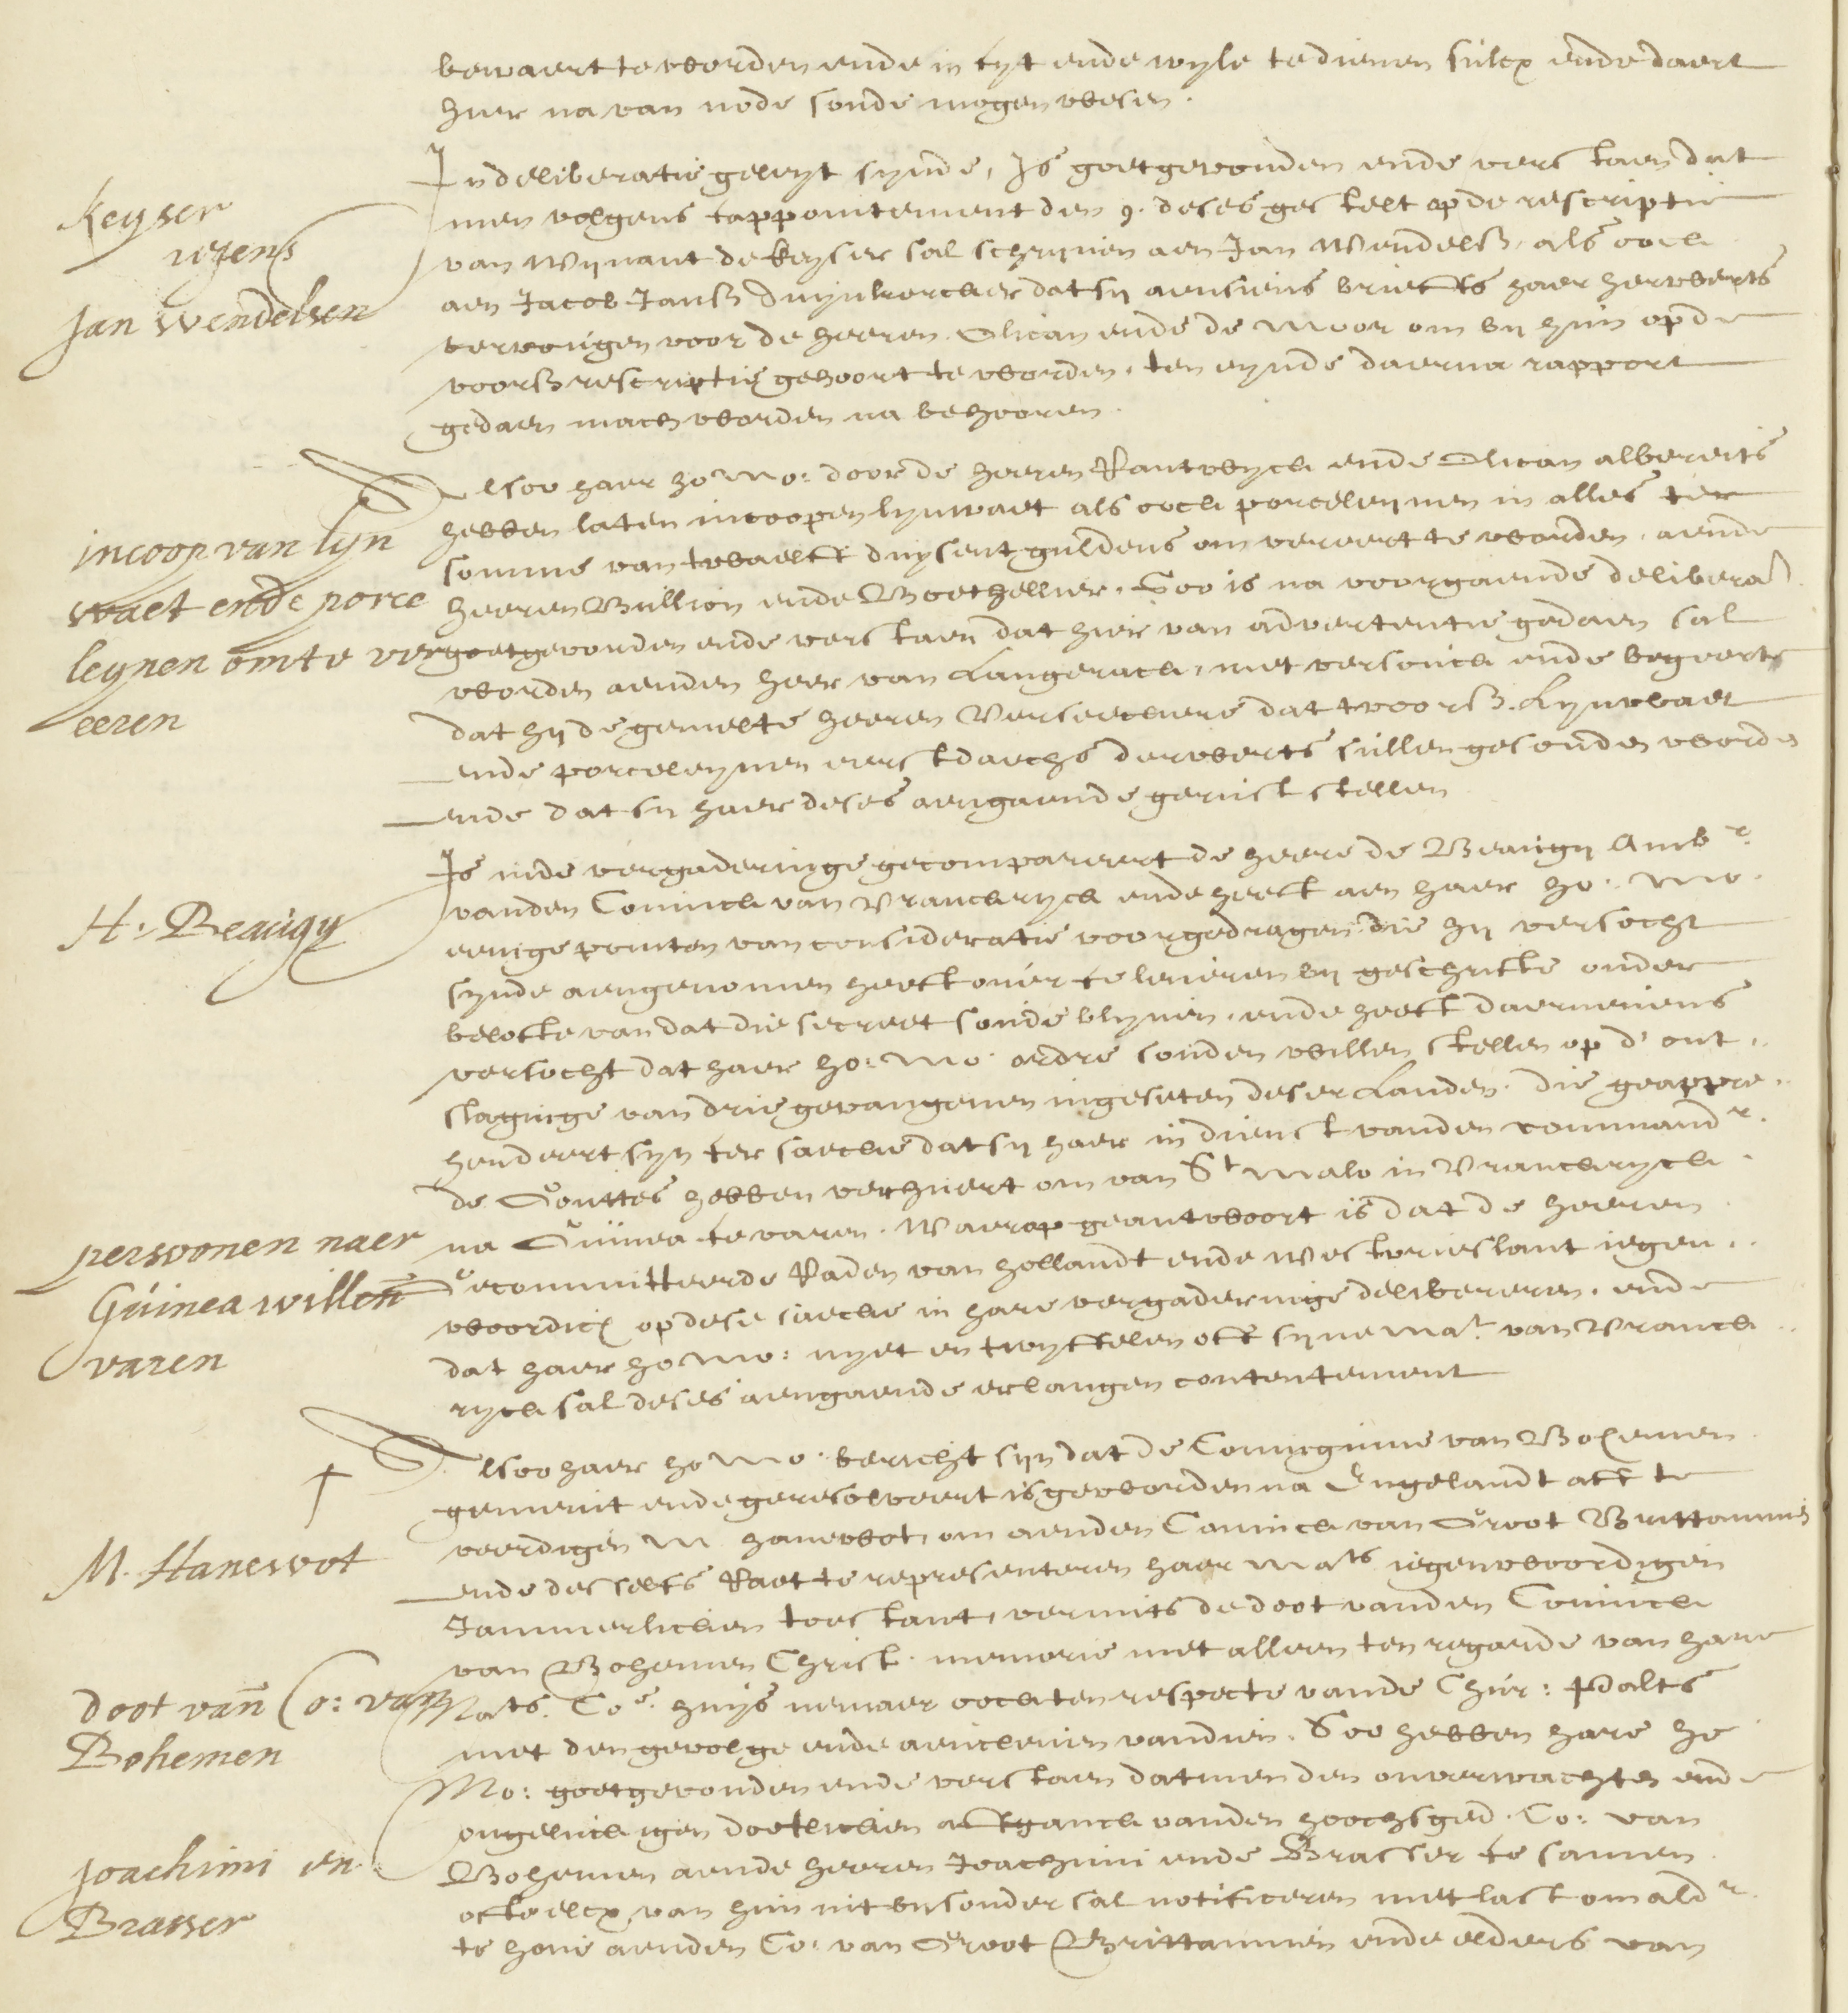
bewaert te worden ende in tyt ende wyle te dienen sulcx ende daert
hier na van node soude mogen wesen.
keyser
iegens
Jan wendelsen
In deliberatie geleyt synde, Is goetgevonden ende verstaen dat
men volgens tappointement den 9. deses gestelt op de rescriptie
van Wynant de Keyser sal schryven aen Jan Wendelsz, als oock
aen Jacob Jansz Duijnkercker dat sy aensiens brieffs haer herwerts
vervougen voor de heeren Olican ende de Moor om by hun op de
voors rescriptie gehoort te worden, ten eynde daerna rapport
gedaen mach worden na behooren.
incoop van lyn
waet ende porce
leynen omte ver
eeren
Alsoo haer ho:Mo: door de heeren Rantwyck ende Olican albereits
hebben laten incoopen lynwaet als oock porceleynen in alles ter
somme van twaelff duysent guldens om vereert te worden, aende
heeren Bullion ende Boethellier, Soo is na voorgaende delibera
goetgevonden ende verstaen dat hier van advertentie gedaen sal
worden aenden heer van Langerack, met versouck ende begeert
dat hy de gemelte heeren Verseeckere dat tvoors Lynwaet
ende porcelynen eerstdaechs derwerts sullen gesonden worden
ende dat sy haer deses aengaende gerust stellen
H. Beaugy
persoonen naer
Guinea willen
varen
Is inde vergaderinge gecompareert de heere de Beaugy Ambr.
vanden Coninck van Vranckryck ende heeft aen haer ho:Mo:
eenige pointen van consideratie voorgedragen die hy versocht
synde aengenomen heeft ouer te leueren by geschrifte onder
belofte van dat die secreet soude blyuen, ende heeft daerneuens
versocht dat haer ho:Mo. ordre souden willen stellen op d'ont„
slaginge van drie gevangenen ingeseten deser Landen, die geappre„
hendeert syn ter saecke dat sy haer in dienst vanden commandr.
de Gonttes hebben verhuert om van St Malo in Vranckryck
na Guïnea te varen. Waerop geantwoort is dat de heeren
Gecommitteerde Raden van hollandt ende Westvrieslant iegen„
woordich op dese saecke in hare vergaderinge delibereren, ende
dat haer ho Mo: nyet en twyffelen off syne Mat. van Vranck„
ryck sal deses aengaende erlangen contentement
M. Hanewot
doot van Co: van
Bohemen
Joachimi en
Brasser
Alsoo haer ho Mo: bericht syn dat de Coninginne van Bohemen
gemeint ende geresolveert is geworden na Engelandt aff te
veerdigen M hanewot, om aenden Coninck van Groot Brittannien
ende desselfs Raet te representeren haer Mats iegenwoordigen
Jammerlicken toestant, vermits de doot vanden Coninck
van Bohemen Christ. memorie met alleen ten regarde van hare
Mats. Cos. huijs nemaer oock ten respecte vande Chur: Palts
met den gevolge ende aencleuen vandien, Soo hebben hare ho.
Mo: goetgevonden ende verstaen datmen den onverwachten ende
ongeluckigen doetlicken affganck vanden hoochsged. Co: van
Bohemen aende heeren Joachimi ende Brasser te samen
offe elcx van hun int bysonder sal notificeren met last om aldr.
to houe aenden Co: van Groot Brittannien ende elders van
